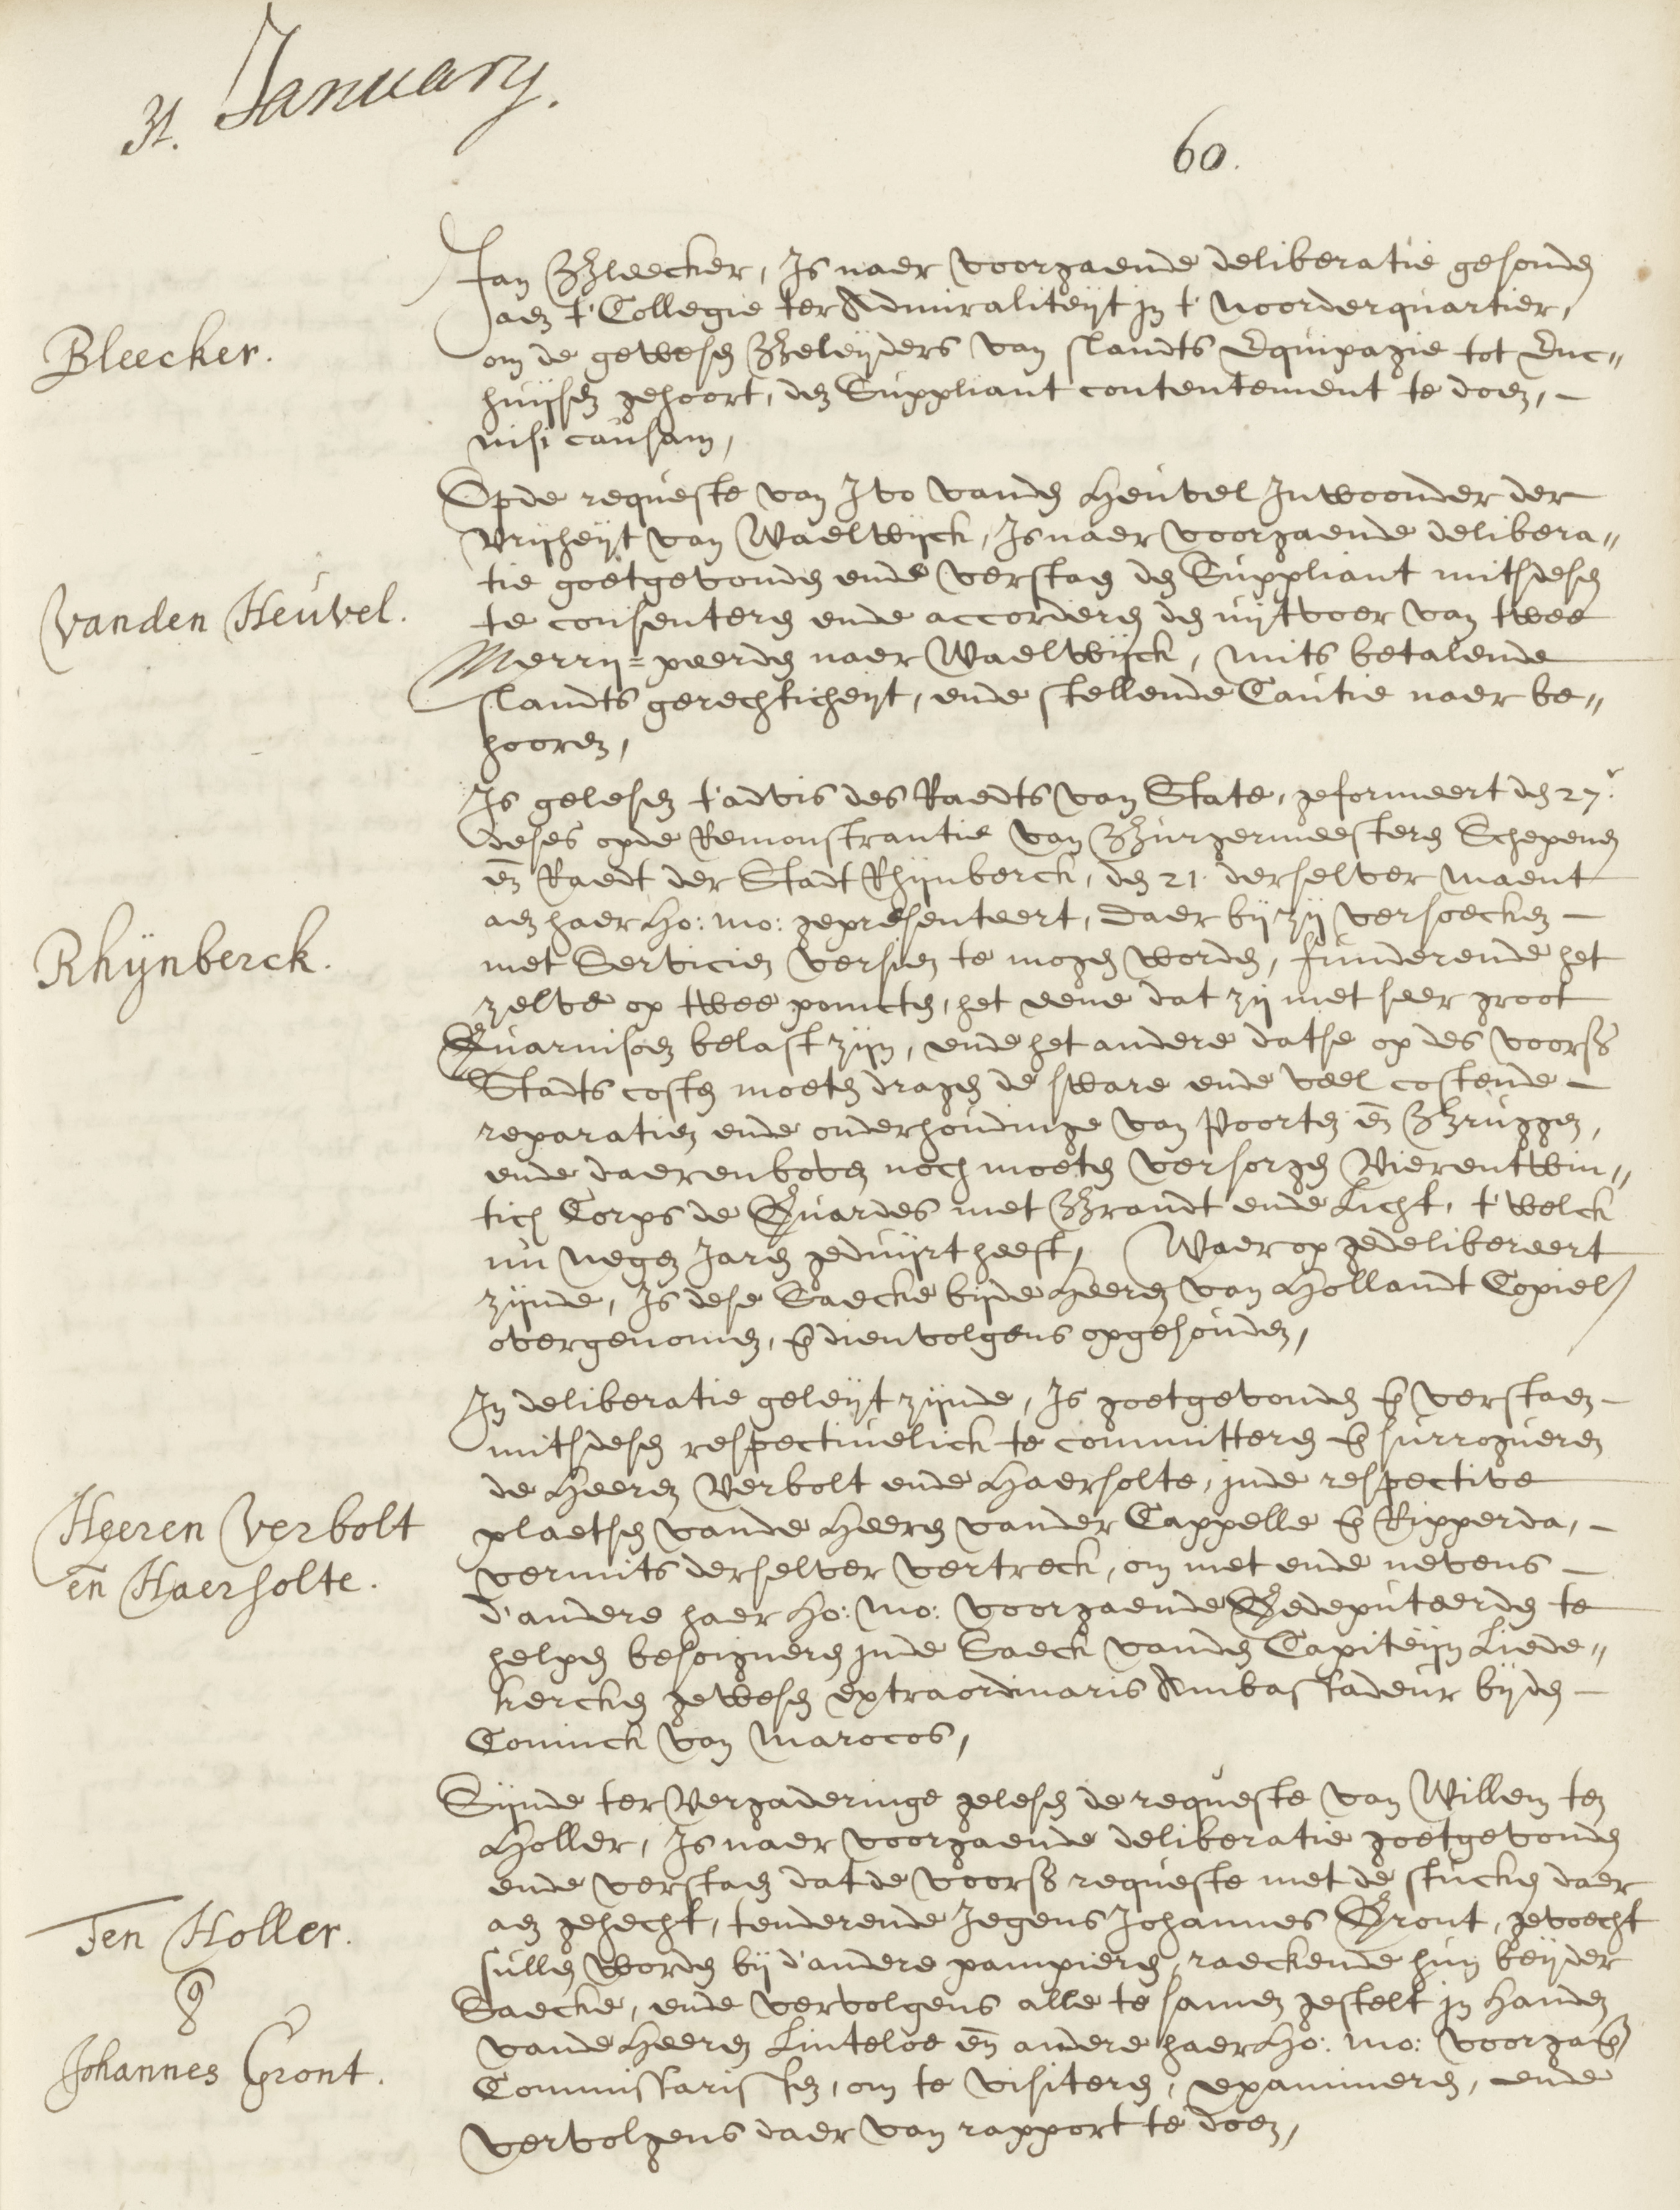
60.
31. January.
Bleecker.
Jan Bleecker, Is naer voorgaende deliberatie gesonden
aen t'Collegie ter Admiraliteijt in t'Noorderquartier,
om de gewesen Beleijders van slandts Equipagie tot Enc„
huijsen gehoort, den Suppliant contentement te doen.
Nisi causam.
Vanden Heuvel
Opde requeste van Ivo vanden Heuvel Inwoonder der
Vrijheijt van Waelwijck, Is naer voorgaende delibera„
tie goetgevonden ende verstaen den Suppliant mitsdesen
te consenteren ende accorderen den uijtvoer van twee
Merrij=peerden naer Waelwijck, mits betalende
slandts gerechticheijt, ende stellende Cautie naer be„
hooren.
Rhijnberck.
Is gelesen t'advis des Raedts van State, geformeert den 27e.
deses opde Remonstrantie van Burgermeesteren Schepenen
en Raedt der Stadt Rhijnberck, den 21. derselver maent
aen haer Ho:Mo: gepresenteert, daer bij zij versoecken
met Servicien versien te mogen worden, funderende het
zelve op twee poincten, het eene dat zij met seer groot
Guarnisoen belast zijn, ende het andere datse op des voors
Stadts costen moeten dragen de sware ende veel costende
reparatien ende onderhoudinge van Poorten en Bruggen,
ende daerenboven noch moeten versorgen Vierentwin„
tich Corps de Guardes met Brandt ende Licht, t'welck
nu negen Jaren geduijrt heeft. Waerop gedelibereert
zijnde, Is dese Saecke bijde Heeren van Hollandt Copiel
overgenomen, & dienvolgens opgehouden.
Heeren Verbolt
en Haersolte.
In deliberatie geleijt zijnde, Is goetgevonden & verstaen
mitsdesen respectiuelick te committeren & surrogueren
de Heeren Verbolt ende Haersolte, inde respective
plaetsen vande Heeren vander Cappelle & Ripperda, -
vermits derselver vertreck, om met ende nevens
d'andere haer Ho:Mo: voorgaende Gedeputeerden te
helpen besoigneren inde Saeck vanden Capiteijn Liede„
kercken gewesen Extraordinaris Ambassadeur bijden
Coninck van Marocos.
Ten Holler.
Ca
Johannes Gront.
Sijnde ter Vergaderinge gelesen de requeste van Willem ten
Holler. Is naer voorgaende deliberatie goetgevonden
ende verstaen dat de voors requeste met de stucken daer
aen gehecht, tenderende Jegens Johannes Gront, gevoecht
sullen worden bij d'andere pampieren, raeckende hun beijder
Saecke, ende vervolgens alle te samen gestelt in handen
vande Heeren Linteloe en andere haer Ho:Mo: voorgae
Commissarissen, om te visiteren, examineren, ende
vervolgens daer van rapport te doen.
